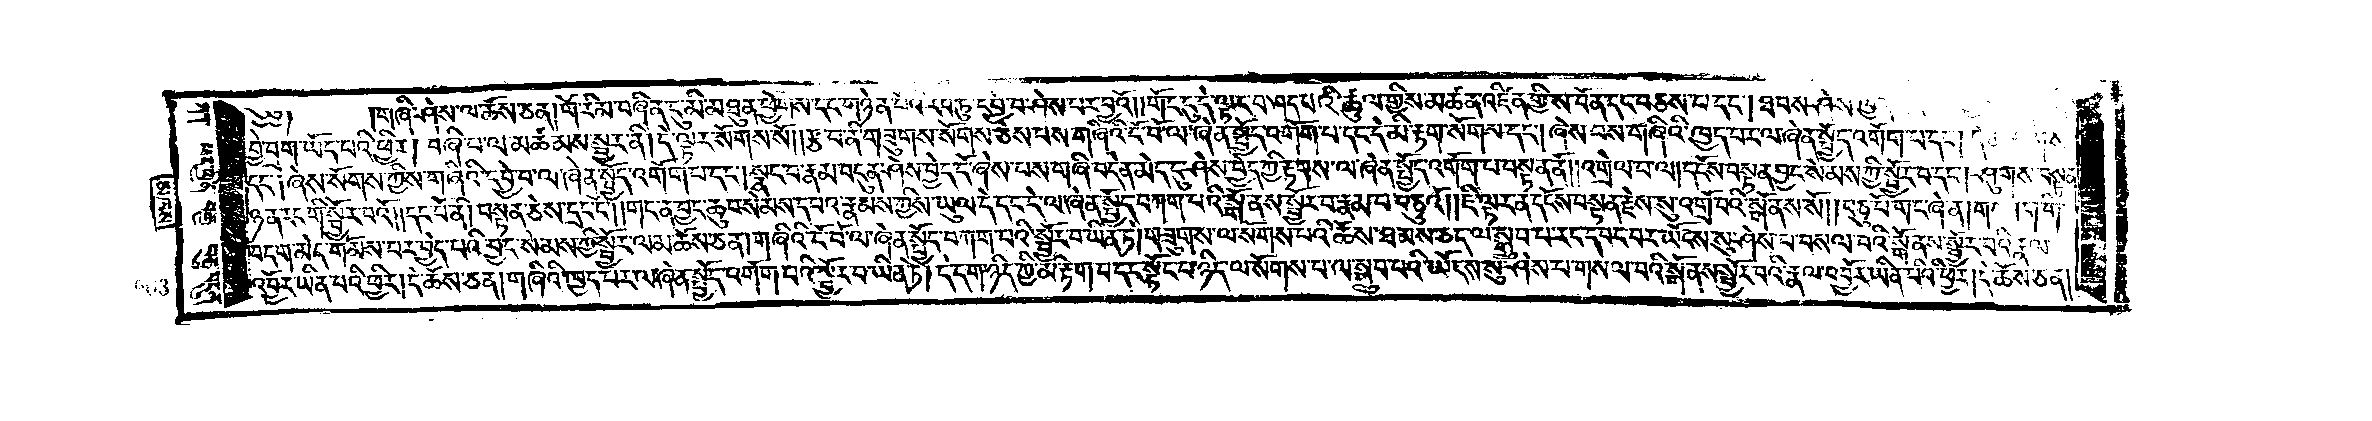༄༅། །གཞི་ཤེས་ལ་ཆོས་ཅན། གོ་རིམ་བཞིན་དུ་མི་མཐུན་ཕྱོགས་དང་གཉེན་པོའི་རབ་ཏུ་དབྱེ་བ་ཤེས་པར་བྱའོ། །གོང་དུ་དེ་ལྟར་བཤད་པའི་ཚུལ་གྱིས་མཚན་འཛིན་གྱི་ས་བོན་དང་བཅས་པ་དང་། ཐབས་ཤེས་ཁྱད་པར་ཅན་གྱིས་ཟིན་པའི་
བྱེ་བྲག་ཡོད་པའི་ཕྱིར། བཞི་པ་ལ་མཚམས་སྦྱར་ནི། དེ་ལྟར་སོགས་སོ། །རྩ་བ་ནི་གཟུགས་སོགས་ཅེས་པས་གཞིའི་ངོ་བོ་ལ་ཞེན་སྤྱོད་འགོག་པ་དང་དེ་མི་རྟག་སོགས་དང་། ཞེས་པས་གཞིའི་ཁྱད་པར་ལ་ཞེན་སྤྱོད་འགོག་པ་དང་། དེ་མ་རྫོགས་
དང་། ཞེས་སོགས་ཀྱིས་གཞིའི་དབྱེ་བ་ལ་ཞེན་སྤྱོད་འགོག་པ་དང་། སྣང་བ་རྣམ་བདུན་ཤེས་བྱེད་དོ་ཞེས་པས་གཞི་བདེན་མེད་དུ་ཤེས་བྱེད་ཀྱི་རྟགས་ལ་ཞེན་སྤྱོད་འགོག་པ་བསྟན་ནོ། །འགྲེལ་པ་ལ། དངོས་བསྟན་བྱང་སེམས་ཀྱི་སྦྱོར་བ་དང་། ཤུགས་བསྟན་
ཉན་རང་གི་སྦྱོར་བའོ། །དང་པོ་ནི། བསྟན་ཅེས་དྲང་ངོ། །གང་ན་བྱང་ཆུབ་སེམས་དཔའ་རྣམས་ཀྱིས་ཡུལ་དེ་དང་དེ་ལ་ཞེན་སྤྱོད་བཀག་པའི་སྒོ་ནས་སྦྱོར་བ་རྣམ་པ་བཅུའོ། །ཇི་ལྟར་ན་དངོས་བསྟན་རྗེས་སུ་འགྲོ་བའི་སྒོ་ནས་སོ། །བཅུ་པོ་གང་ཞེ་ན། གང་ཟག་གི་
བདག་མེད་གོམས་པར་བྱེད་པའི་བྱང་སེམས་ཀྱི་སྦྱོར་ལམ་ཆོས་ཅན། གཞིའི་ངོ་བོ་ལ་ཞེན་སྤྱོད་བཀག་པའི་སྦྱོར་བ་ཡིན་ཏེ། གཟུགས་ལ་སོགས་པའི་ཆོས་ཐམས་ཅད་ལ་སྒྲུབ་པ་རང་དབང་བར་ཡོངས་སུ་ཤེས་པ་བསལ་བའི་སྒོ་ནས་སྦྱོར་བའི་རྣལ་
འབྱོར་ཡིན་པའི་ཕྱིར། དེ་ཆོས་ཅན། གཞིའི་ཁྱད་པར་ལ་ཞེན་སྤྱོད་འགོག་བའི་སྦྱོར་བ་ཡིན་ཏེ། དེ་དག་ཉིད་ཀྱི་མི་རྟག་པ་དང་སྟོང་པ་ཉིད་ལ་སོགས་པ་ལ་སྒྲུབ་པའི་ཡོངས་སུ་ཤེས་པ་གསལ་བའི་སྒོ་ནས་སྦྱོར་བའི་རྣལ་འབྱོར་ཡིན་པའི་ཕྱིར། དེ་ཆོས་ཅན།